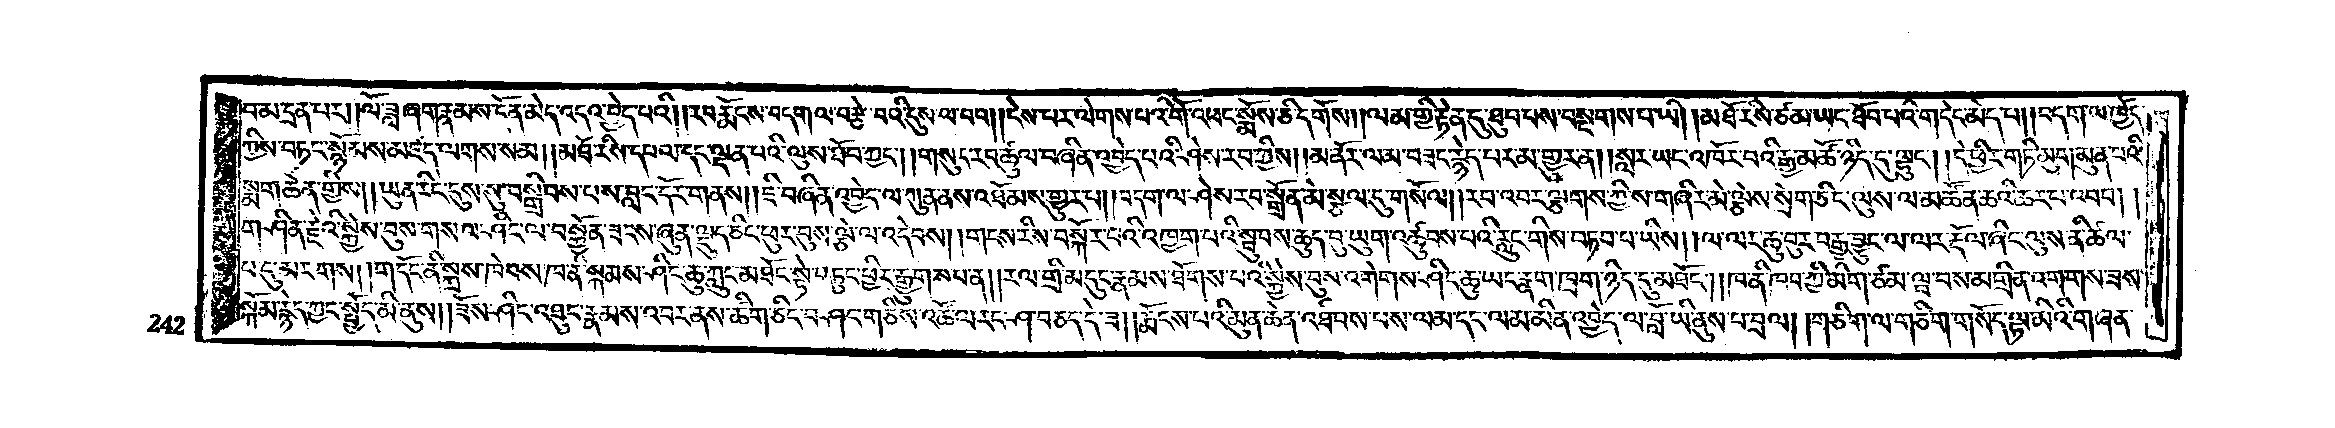བ་མ་དྲན་པར། །ལོ་ཟླ་ཞག་རྣམས་དོན་མེད་འདའ་བྱེད་པའི། །རབ་རྨོངས་བདག་ལ་བརྩེ་བའི་དུས་ལ་བབ། །ངེས་པར་ལེགས་པའི་གོ་འཕང་སྨོས་ཅི་དགོས། །ལམ་གྱི་རྟེན་དུ་ཐུབ་པས་བསྔགས་པ་ཡི། །མཐོ་རིས་ཙམ་ཡང་ཐོབ་པའི་གདེང་མེད་པ། །བདག་ལ་ཁྱེད་
ཀྱིས་བཏང་སྙོམས་མཛད་ལགས་སམ། །མཐོ་རིས་དཔལ་དང་ལྡན་པའི་ལུས་ཐོབ་ཀྱང་། །གསུང་རབ་ཚུལ་བཞིན་འབྱེད་པའི་ཤེས་རབ་ཀྱིས། །མ་ནོར་ལམ་བཟང་རྙེད་པར་མ་གྱུར་ན། །སླར་ཡང་འཁོར་བའི་རྒྱ་མཚོ་ཉིད་དུ་ལྷུང་། །དེ་ཕྱིར་གཏི་མུག་མུན་པའི་
སྨག་ཆེན་གྱིས། །ཡུན་རིང་དུས་སུ་བསྒྲིབས་པས་བླང་དོར་གནས། །ཇི་བཞིན་འབྱེད་ལ་ཀུན་ནས་འཐོམས་གྱུར་པ། །བདག་ལ་ཤེས་རབ་སྒྲོན་མེ་སྩལ་དུ་གསོལ། །རབ་འབར་ལྕགས་ཀྱིས་གཞིར་མེ་ལྕེས་སྲེག་ཅིང་ལུས་ལ་མཚོན་ཆའི་ཆར་པ་འབབ། །
གཤིན་རྗེའི་སྐྱེས་བུས་གསལ་ཤིང་ལ་བསྐྱོན་ཟངས་ཞུན་ལྡུད་ཅིང་ཕུར་བུས་ལྕེ་ལ་འདེབས། །གངས་རིས་བསྐོར་བའི་འཁྱག་པའི་སྦུབས་ཆུད་བུ་ཡུག་འཚུབས་པའི་རླུང་གིས་བཏབ་པ་ཡིས། །ལ་ལར་ཆུ་བུར་བརྒྱ་བྱུང་ལ་ལར་རྡོལ་ཞིང་ལུས་ནི་ཚལ་
པ་དུ་མར་གས། །གདོང་ནི་སྐྲས་ཁེབས་ཁ་ནི་སྐམས་ཤིང་ཆུ་ཀླུང་མཐོང་སྟེ་གཏུང་ཕྱིར་རྒྱུག་པ་ན། །རལ་གྲི་མདུང་རྣམས་ཐོགས་པའི་སྐྱེས་བུས་འགེགས་ཤིང་ཆུ་ཡང་རྣག་ཁྲག་ཉིད་དུ་མཐོང་། །ཁ་ནི་ཁབ་ཀྱི་མིག་ཙམ་བླ་བས་མགྲིན་འགགས་ཟས་
སྐོམ་རྙེད་ཀྱང་སྤྱོད་མི་ནུས། །ཟོས་ཤིང་འཐུང་རྣམས་འབར་ནས་ཚིག་ཅིང་བཤང་གཅིས་འཚོ་ལ་རང་ཤ་བཅད་དེ་ཟ། །རྨོངས་པའི་མུན་ཆེན་འཐིབས་པས་ལམ་དང་ལམ་མིན་འབྱེད་ལ་བློ་ཡི་ནུས་པ་བྲལ། །གཅིག་ལ་གཅིག་གསོད་ལྷ་མིའི་གཞན་